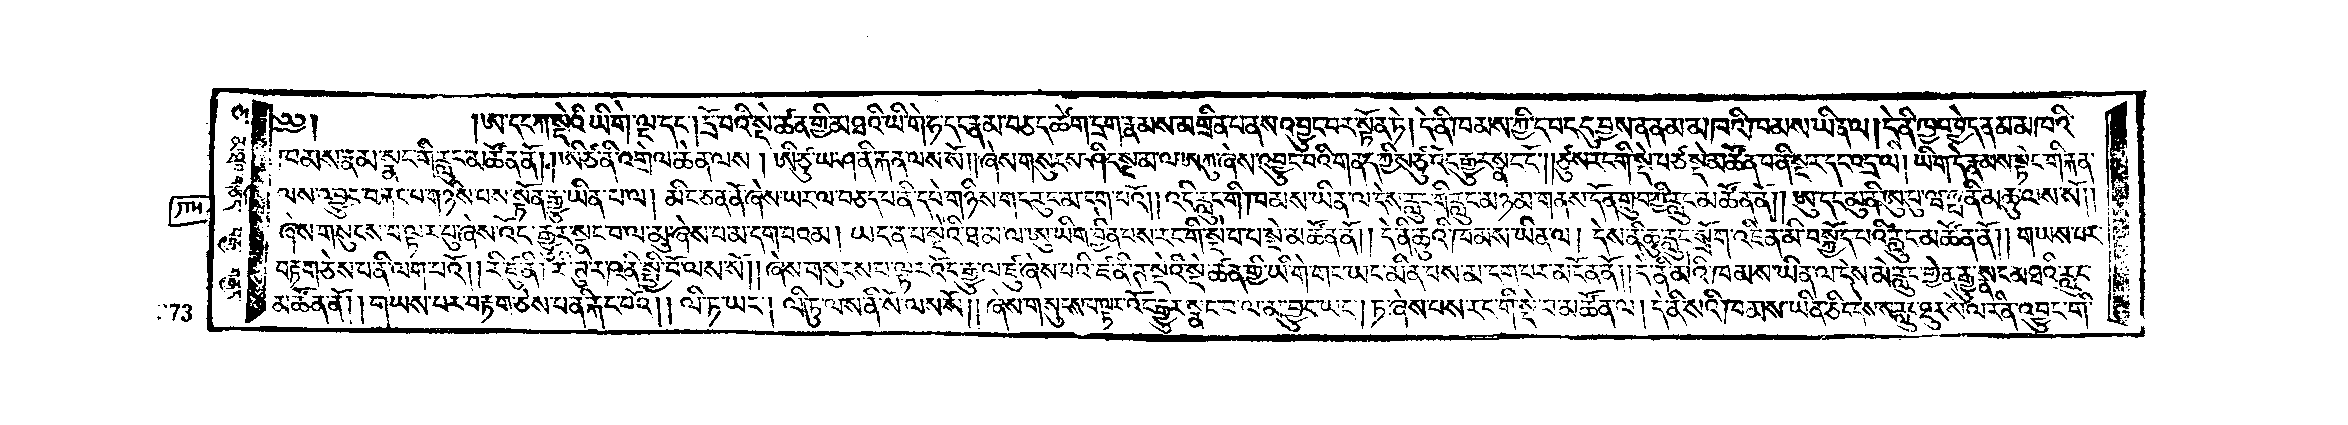༄༅། །ཨ་དང་ཀ་སྡེའི་ཡི་གེ་ལྔ་དང་། དྲོ་བའི་སྡེ་ཚན་གྱི་མཐའི་ཡི་གེ་ཧ་དང་རྣམ་བཅད་ཚེག་དྲག་རྣམས་མགྲིན་པ་ནས་འབྱུང་བར་སྟོན་ཏེ། དེ་ནི་ཁམས་ཀྱི་དབང་དུ་བྱས་ན་ནམ་མཁའི་ཁམས་ཡིན་ལ། དེས་ནི་ཁྱབ་བྱེད་ནམ་མཁའི་
ཁམས་རྣམ་སྣང་གི་རླུང་མཚོན་ནོ། །ཨི་ཙ་ནི་འགྲེལ་ཆེན་ལས། ཨི་ཙུ་ཡ་ཤ་ནི་རྐན་ལས་སོ། །ཞེས་གསུངས་ཤིང་སྔ་མ་ལ་ཨ་ཀུ་ཞེས་འབྱུང་བའི་གནད་ཀྱིས་ཙུ་འོང་རྒྱུར་སྣང་ངོ། །ཙུས་རང་གི་སྡེ་པ་ཙ་སྡེ་མཚོན་པ་ནི་སྔར་དང་འདྲ་ལ། ཡི་གེ་དེ་རྣམས་སྟེང་གི་རྐན་
ལས་འབྱུང་བ་རྐང་པ་གཉིས་པས་སྟོན་རྒྱུ་ཡིན་པ་ལ། མིང་ཅན་ནོ་ཞེས་ཡར་ལ་བཅད་པ་ནི་དཔེ་གཉིས་གང་རུང་མ་དག་པའོ། །འདི་རླུང་གི་ཁམས་ཡིན་ལ་དེས་རླུང་གི་རླུང་མཉམ་གནས་དོན་གྲུབ་ཀྱི་རླུང་མཚོན་ནོ། །ཨུ་དང་མུ་ནི་ཨུ་པུ་ཝ་ཆྤ་?་ནི་མཆུ་ལས་སོ། །
ཞེས་གསུངས་པ་ལྟར་བུ་ཞེས་འོང་རྒྱུར་སྣང་བ་ལ་མུ་ཞེས་པ་མ་དག་པའམ། ཡང་ན་པ་སྡེའི་ཐ་མ་ལ་ཨུ་ཡིག་བྱིན་པས་རང་གི་སྡེ་པ་པ་སྡེ་མཚོན་ནོ། །དེ་ནི་ཆུའི་ཁམས་ཡིན་ལ། དེས་ནི་ཆུ་རླུང་སྲོག་འཛིན་མི་བསྐྱོད་པའི་རླུང་མཚོན་ནོ། །གཡས་པར་
བརྟག་ཅེས་པ་ནི་ལག་པའོ། །རི་ཛུ་ནི། རི་ཊུ་ར་ཥ་ནི་སྤྱི་བོ་ལས་སོ། །ཞེས་གསུངས་པ་ལྟར་འོང་རྒྱུ་ལ་ཛུ་ཞེས་པའི་ཛ་ནི་ཊ་སྡེའི་སྡེ་ཚན་གྱི་ཡི་གེ་གང་ཡང་མིན་པས་མ་དག་པར་མངོན་ནོ། །དེ་ནི་མེའི་ཁམས་ཡིན་ལ་དེས་མེ་རླུང་གྱེན་རྒྱུ་སྣང་མཐའི་རླུང་
མཚོན་ནོ། །གཡས་པར་བརྟག་ཅེས་པ་ནི་རྐང་པའོ། །ལི་ཏ་ཡང་། ལི་ཏུ་ལ་ས་ནི་སོ་ལས་སོ། །ཞེས་གསུངས་པ་ལྟར་འོང་རྒྱུར་སྣང་བ་ལ་མ་བྱུང་ཡང་། ཏ་ཞེས་པས་རང་གི་སྡེ་པ་མཚོན་ལ། དེ་ནི་སའི་ཁམས་ཡིན་ཅིང་དེས་ས་རླུང་ཐུར་སེལ་རིན་འབྱུང་གི་